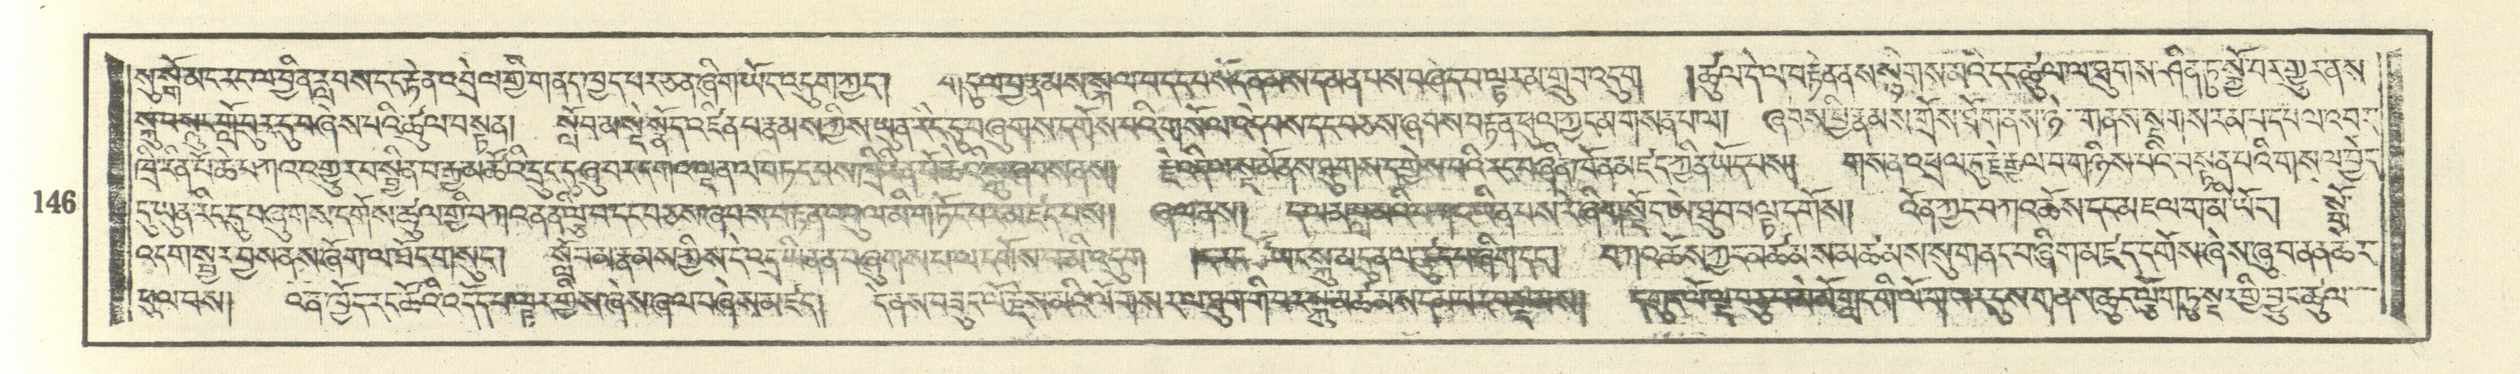སུ་སྒོ་མང་རང་ལ་བྱིན་རླབས་དང་རྟེན་འབྲེལ་གྱི་གནད་ཁྱད་པར་ཅན་ཞིག་ཡོད་འདུག་ཀྱང་། གདུལ་བྱ་རྣམས་སྐལ་བ་དང་བསོད་ནམས་དམན་པས་བཞེད་པ་ལྟར་མ་གྲུབ་འདུག །ཚུལ་དེ་ལ་བརྟེན་ནས་སྙིགས་མའི་ངང་ཚུལ་ལ་ཐུགས་ཤིན་ཏུ་སྐྱོ་བར་གྱུར་ནས་
སྐུ་བ་སཱུ་གློ་བུར་དུ་བཞེས་པའི་ཚུལ་བསྟན། སློབ་མ་སྡེ་སྣོད་འཛིན་པ་རྣམས་ཀྱིས་ཡུན་རིང་དུ་བཞུགས་དགོས་པའི་གསོལ་འདེབས་དང་བཅས་ཞབས་བརྟན་ཕུལ་ཀྱང་མ་གསན་པ་ལ། ཞབས་ཕྱི་རྣམས་གྲོས་ཐོག་ནས་ཉེ་གནས་སྔགས་རམ་པ་དཔལ་འབར་
ཁྲི་རིན་པོ་ཆེ་བཀའ་འགྱུར་བ་སྦྱིན་པ་རྒྱ་མཚོའི་དྲུང་དུ་ཞུ་བར་དགའ་ལྡན་ལ་བཏང་བས་ཁྲི་རིན་པོ་ཆེའི་སྐུ་ཞབས་ནས། རྗེ་འདི་ལ་སྔ་མོ་ནས་ཐུགས་དགྱེས་པའི་རང་བཞིན་ཁོ་ན་མཛད་ཀྱིན་ཡོད་པས། གསན་འཕྲལ་དུ་རྗེ་རྒྱལ་བ་གཉིས་པའི་བསྟན་པའི་གསལ་བྱེད་
དུ་ཡུན་རིང་དུ་བཞུགས་དགོས་ཚུལ་གྱི་བཀའ་ནན་ལྕི་བ་དང་བཅས་ཞབས་བརྟན་འབུལ་མི་གཏོང་བར་མཛད་པས། ཞལ་ནས། ད་ལམ་བླ་མའི་བཀའ་ཡིན་པས་རེ་ཞིག་སྡོང་ཨེ་ཐུབ་བལྟ་དགོས། འོན་ཀྱང་བཀའ་ཆོས་དང་མཇལ་ག་མི་ཡོང་། སྒོ་
འདག་སྦྱར་བྱས་ནས་ཞོག་ལ་ཐོང་གསུང་། སློབ་མ་རྣམས་ཀྱིས་དེ་འདྲ་ཡིན་ན་བཞུགས་པ་ལ་དགོས་པ་མི་འདུག །ང་རང་ཚོ་ཡང་སྐུ་མདུན་ལ་ཚུད་པ་ཞིག་དང་། བཀའ་ཆོས་ཀྱང་མཚམས་མཚམས་སུ་གནང་བ་ཞིག་མཛད་དགོས་ཞེས་ཞུ་བ་ནན་ཆེར་
ཕུལ་བས། འོ་ན་ཁྱོད་རང་ཚོའི་འདོད་པ་ལྟར་གྱིས་ཞེས་ཞལ་བཞེས་མཛད། དེ་ནས་བཟུང་ལོ་རྗེས་མའི་ལོ་གསར་ལ་ཐུག་གི་བར་སྐུ་མཚམས་དམ་པར་བསྡམས། དགུང་ལོ་ལྔ་བཅུ་པ་མེ་མོ་གླང་གི་ལོ་གསར་དུས་གནས་ཆུང་ལྕོག་ཏུ་སྔར་གྱི་བྱུང་ཚུལ་